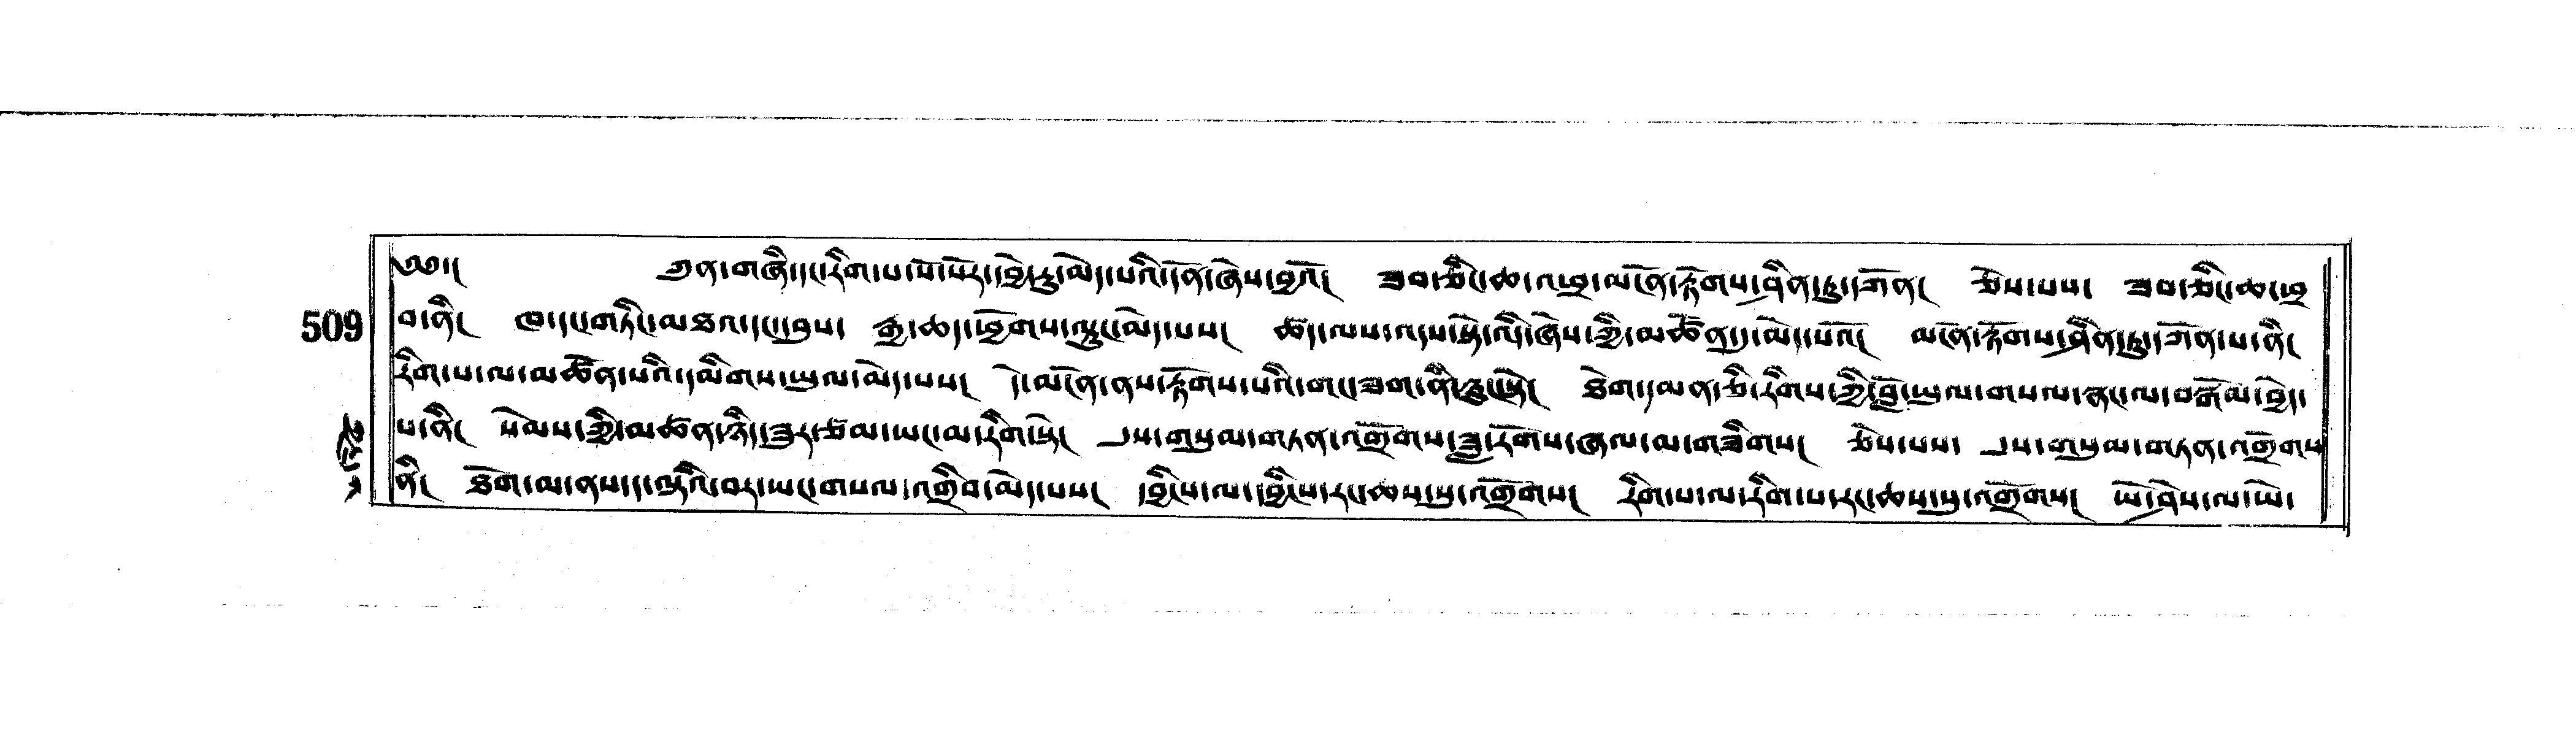ཀུན་གཞི་དང་རིག་པ་སོ་སོར་དབྱེ་རུ་མེད་པའི་དོན་ཞེས་བྱའོ། ཟབ་ཅིང་ཆ་འཕྲ་མངོན་རྟོགས་ཤིན་ཏུ་དཀོན། 
བདག་། ཁ་དང་གཏིང་མཐའ་དང་དབུས། རྒྱ་ཆད་ཕྱོགས་ལྷུང་མེད་པས། ཚད་ལས་འདས་ཏེ་འདི་ཞེས་ཀྱི་མཚོན་དུ་མེད་པའོ། མངོན་རྟོགས་ཤིན་ཏུ་དཀོན་པ་ནི། 
རིག་པ་ལ་མཚོན་པའི་དམིགས་ཡུལ་མེད་པས། དེ་མངོན་ནས་རྟོགས་པའི་གང་ཟག་ནི་ཉུང་སྟེ། ཐེག་དམན་ཅི་རིགས་ཀྱི་བློ་ཡུལ་གསལ་སྣང་ལ་སྒོམ་བྱེད་
པ་ནི། སེམས་ཀྱི་མཚན་ཉིད་ཟུར་ཙམ་ཡང་མ་རིག་སྟེ། དུས་གསུམ་གཏན་འགྲོགས་ཟླ་རོགས་ཞལ་མ་གཟིགས། ཅེས་པས། དུས་གསུམ་གཏན་འགྲོགས་
ནི། ཐོག་མ་ནས་ད་ལྟའི་བར་གསལ་འགྲིབ་མེད་པས། དབྱིངས་ལ་དབྱིངས་རང་ཆས་སུ་འགྲོགས། རིག་པ་ལ་རིག་པ་རང་ཆས་སུ་འགྲོགས། ཡེ་ཤེས་ལ་ཡེ་